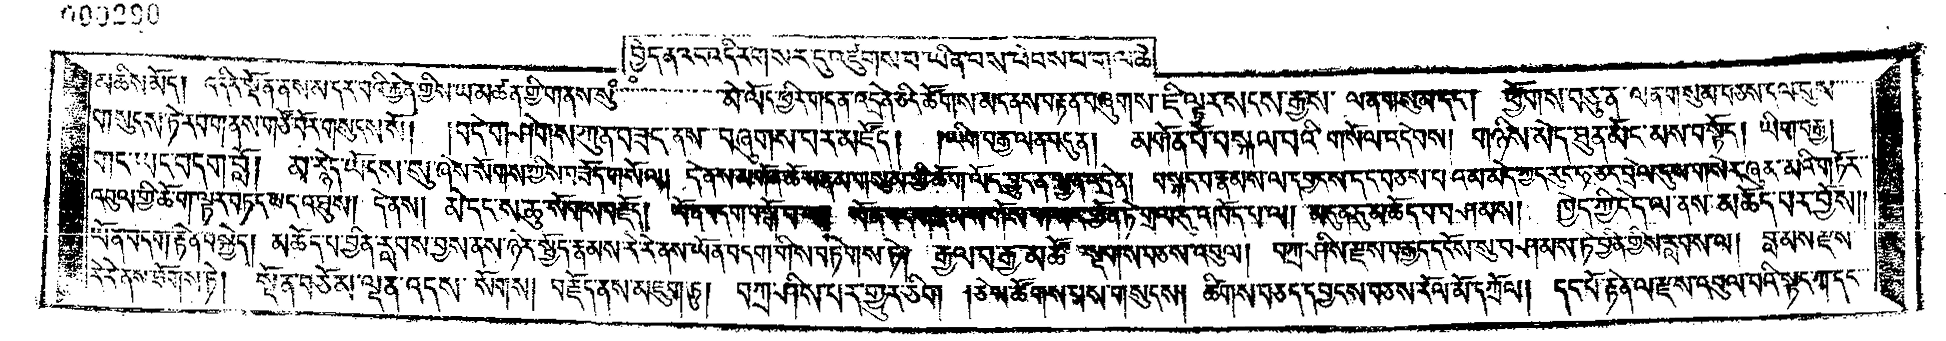མཆིས་མོད། འདིར་སྔོན་ནས་མ་དར་བའི་རྐྱེན་གྱིས་ཡ་མཚན་གྱི་གནས་སུ་བྱེད་ནའང་འདིར་གསར་དུ་འཛུགས་པ་ཡིན་པས་ཕེབས་པ་གལ་ཆེ་མེ་ལོང་ཕྱིར་གདན་འདྲེན་ཅིང་ཚོགས་མང་ནས་བརྟན་བཞུགས་ཇི་ལྟར་སངས་རྒྱས་ལན་གསུམ་དང་།  ཕྱོགས་བཅུ་ན་ལན་གསུམ་བཅས་དལ་བུས་
གསུངས་ཏེ་རབ་གནས་གཙོ་བོར་གསུངས་སོ། །བདེ་གཤེགས་ཀུན་བཟང་ནས་བཞུགས་པར་མཛོད། །ཡིག་བརྒྱ་ལན་བདུན།  མགོན་པོ་བསྐལ་བའི་གསོལ་འདེབས།  གཉིས་མེད་ཐུན་མོང་མས་བསྟོད། ཡིག་བརྒྱ།
གང་ཡང་བདག་བློ། མ་རྙེད་ཡོངས་སུ་ཞེས་སོགས་ཀྱིས་བཟོད་གསོལ། དེ་ནས་མགོན་ཆོས་རྣམ་གསུམ་གྱི་ཆོ་ག་ལོང་བྱུང་ན་སྤྱན་འདྲེན། བསྐང་བ་རྣམས་ལ་དབྱངས་དང་བཅས་པའམ་མེད་ཀྱང་རུང་ཧ་ཅང་བྲེལ་དུས་གསེར་ཞུམ་མའི་གཏོར་
འབུལ་གྱི་ཆོ་ག་ལྟར་བཏང་ཡང་འཐུས། དེ་ནས། མེ་དང་ས་ཆུ་སོགས་བརྗོད། ཡོན་བདག་བསྒོ་བ་ལ། ཡོན་བདག་རྣམས་གོས་གསར་གྱོན་ཏེ་གྲལ་དུ་འཁོད་པ་ལ། མདུན་དུ་མཆོད་པ་བཤམས།  ཁྱེད་ཀྱི་ངེད་ལ་ནས་མཆོད་པར་བྱོས། །
ཡོན་བདག་རྟེན་བསྐྱེད། མཆོད་པ་བྱིན་རླབས་བྱས་ནས་ཉེར་སྤྱོད་རྣམས་རེ་རེ་ནས་ཡོན་བདག་གིས་བཏེགས་ཏེ།  རྒྱལ་བ་རྒྱ་མཚོ་སྔགས་བཅས་འབུལ། བཀྲ་ཤིས་རྫས་བརྒྱད་དངོས་སུ་བཤམས་ཏེ་བྱིན་གྱིས་རླབས་ལ། བླ་མས་རྫས་
ནང་ནས་ཐོགས་ཏེ། སྔོན་བཅོམ་ལྡན་འདས་སོགས། བརྗོད་ནས་མཇུག་ཏུ།  བཀྲ་ཤིས་པར་གྱུར་ཅིག །ཅེས་ཚོགས་པས་གསུངས། ཚིགས་བཅད་དབྱངས་བཅས་རོལ་མོ་དཀྲོལ། དང་པོ་རྟེན་ལ་རྫས་འབུལ་བའི་སྟང་ཀ་དང་